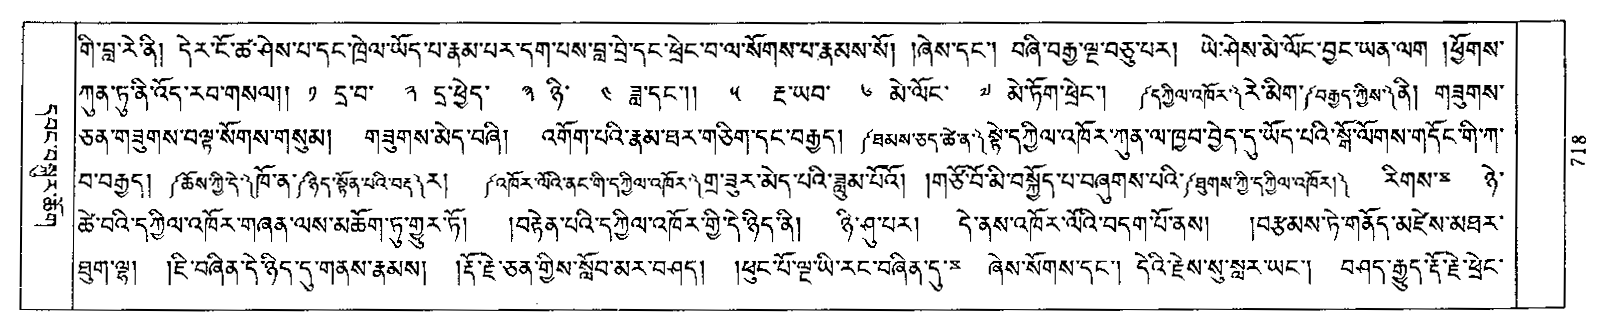གི་བླ་རེ་ནི། དེར་ངོ་ཚ་ཤེས་པ་དང་ཁྲེལ་ཡོད་པ་རྣམ་པར་དག་པས་བླ་བྲེ་དང་ཕྲེང་བ་ལ་སོགས་པ་རྣམས་སོ། །ཞེས་དང་། བཞི་བརྒྱ་ལྔ་བཅུ་པར། ཡེ་ཤེས་མེ་ལོང་བྱང་ཡན་ལག །ཕྱོགས་
ཀུན་ཏུ་ནི་འོད་རབ་གསལ།། ༡་དྲ་བ ༢་དྲ་ཕྱེད ༣་ཉི ༤་ཟླ་དང།། ༥་རྔ་ཡབ ༦་མེ་ལོང ༧་མེ་ཏོག་ཕྲེང་། ༼དཀྱིལ་འཁོར྄་རེ་མིག་༽བརྒྱད་ཀྱིས྄་ནི། གཟུགས་
ཅན་གཟུགས་བལྟ་སོགས་གསུམ། གཟུགས་མེད་བཞི། འགོག་པའི་རྣམ་ཐར་གཅིག་དང་བརྒྱད། ཐམས་ཅད་ཚེ་ན྄་སྟེ་དཀྱིལ་འཁོར་ཀུན་ལ་ཁྱབ་བྱེད་དུ་ཡོད་པའི་སྒོ་ལོགས་གདོང་གི་ཀ་
བ་བརྒྱད། ༼ཆོས་ཀྱི་ད྄ེ་ཁོ་ན་༽ཉིད་སྟོན་པའི་བརྡ྄་ར། ༼འཁོར་ལོའི་ནང་གི་དཀྱིལ་འཁོར྄་གྲ་ཟུར་མེད་པའི་ཟླུམ་པོའོ། །གཙོ་བོ་མི་བསྐྱོད་པ་བཞུགས་པའི་༽ཐུགས་ཀྱི་དཀྱིལ་འཁོར།?་རིགས་྾་ཉེ་
ཚེ་བའི་དཀྱིལ་འཁོར་གཞན་ལས་མཆོག་ཏུ་གྱུར་ཏོ། །བརྟེན་པའི་དཀྱིལ་འཁོར་གྱི་དེ་ཉིད་ནི། ཉི་ཤུ་པར། དེ་ནས་འཁོར་ལོའི་བདག་པོ་ནས། །བརྩམས་ཏེ་གནོད་མཛེས་མཐར་
ཐུག་ལྷ། །ཇི་བཞིན་དེ་ཉིད་དུ་གནས་རྣམས། །རྡོ་རྗེ་ཅན་གྱིས་སློབ་མར་བཤད། །ཕུང་པོ་ལྔ་ཡི་རང་བཞིན་དུ་྾་ཞེས་སོགས་དང་། དེའི་རྗེས་སུ་སླར་ཡང་། བཤད་རྒྱུད་རྡོ་རྗེ་ཕྲེང་